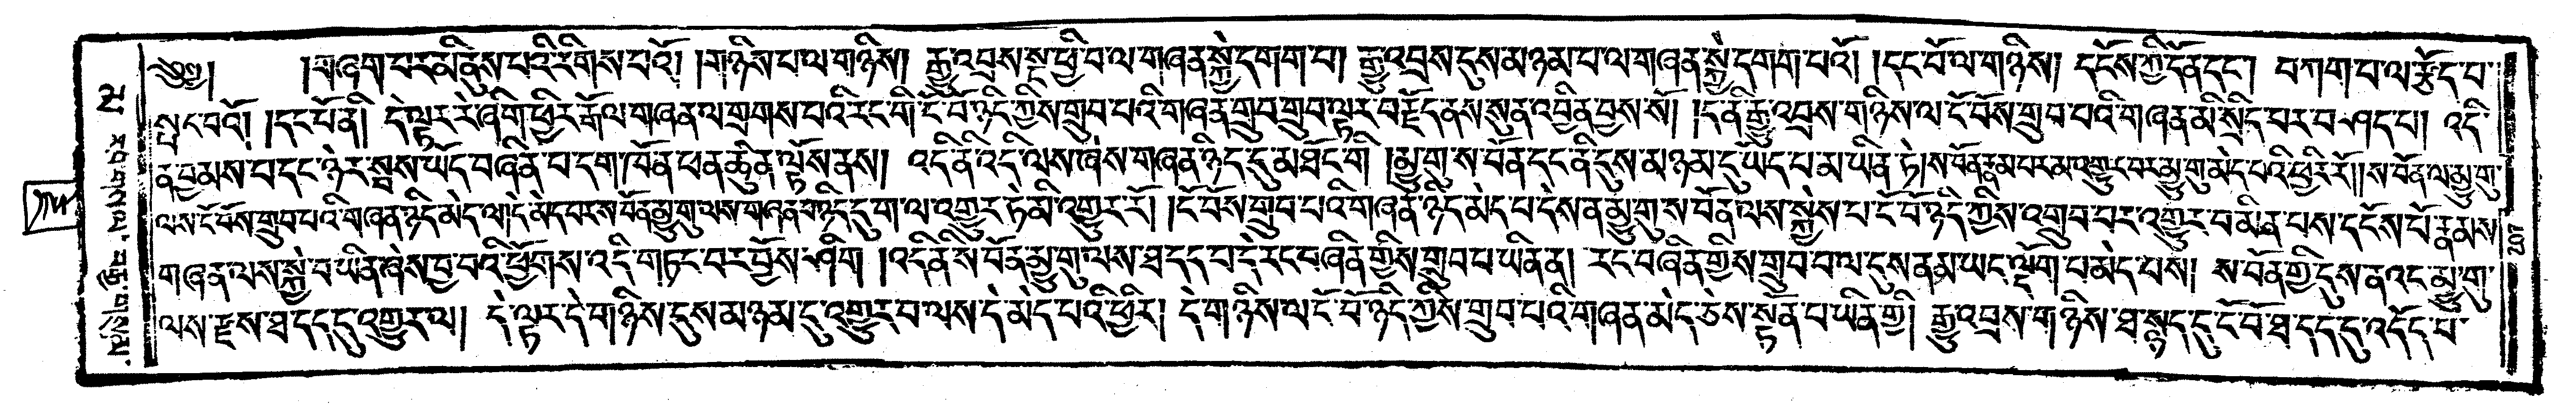༄༅། །གཞག་པར་མི་ནུས་པའི་རིགས་པའོ། །གཉིས་པ་ལ་གཉིས། རྒྱུ་འབྲས་སྔ་ཕྱི་བ་ལ་གཞན་སྐྱེ་དགག་པ། རྒྱུ་འབྲས་དུས་མཉམ་པ་ལ་གཞན་སྐྱེ་དགག་པའོ། །དང་པོ་ལ་གཉིས། དངོས་ཀྱི་དོན་དང་། བཀག་པ་ལ་རྩོད་པ་
སྤང་བའོ། །དང་པོ་ནི། དེ་ལྟར་རེ་ཞིག་ཕྱིར་རྒོལ་གཞན་ལ་གྲགས་པའི་རང་གི་ངོ་བོ་ཉིད་ཀྱིས་གྲུབ་པའི་གཞན་གྲུབ་གྲུབ་ལྟར་བརྗོད་ནས་སུན་འབྱིན་བྱས་སོ། །དེ་ནི་རྒྱུ་འབྲས་གཉིས་ལ་ངོ་བོས་གྲུབ་པའི་གཞན་མི་སྲིད་པར་བཤད་པ། འདི་
ན་བྱམས་པ་དང་ཉེར་སྦས་ཡོད་བཞིན་པ་དག་ཁོ་ན་ཕན་ཚུན་ལྟོས་ནས། འདི་ནི་འདི་ལས་ཞེས་གཞན་ཉིད་དུ་མཐོང་གི །མྱུ་གུ་ས་བོན་དང་ནི་དུས་མཉམ་དུ་ཡོད་པ་མ་ཡིན་ཏེ། ས་བོན་རྣམ་པར་མ་འགྱུར་བར་མྱུ་གུ་མེད་པའི་ཕྱིར་རོ། །ས་བོན་ལ་མྱུ་གུ་
ལས་ངོ་བོས་གྲུབ་པའི་གཞན་ཉིད་མེད་ལ། དེ་མེད་པར་ས་བོན་མྱུ་གུ་ལས་གཞན་པ་ཉིད་དུ་ག་ལ་འགྱུར་ཏེ་མི་འགྱུར་རོ། །ངོ་བོས་གྲུབ་པའི་གཞན་ཉིད་མེད་པ་དེས་ན་མྱུ་གུ་ས་བོན་ལས་སྐྱེས་པ་ངོ་བོ་ཉིད་ཀྱིས་འགྲུབ་པར་འགྱུར་བ་མིན་པས་དངོས་པོ་རྣམས་
གཞན་ལས་སྐྱེ་བ་ཡིན་ཞེས་བྱ་བའི་ཕྱོགས་འདི་གཏང་བར་བྱོས་ཤིག །འདི་ནི་ས་བོན་མྱུ་གུ་ལས་ཐ་དད་པ་དེ་རང་བཞིན་གྱིས་གྲུབ་པ་ཡིན་ན། རང་བཞིན་གྱིས་གྲུབ་པ་ལ་དུས་ནམ་ཡང་ལྡོག་པ་མེད་པས། ས་བོན་གྱི་དུས་ནའང་མྱུ་གུ་
ལས་རྫས་ཐ་དད་དུ་འགྱུར་ལ། དེ་ལྟར་དེ་གཉིས་དུས་མཉམ་དུ་འགྱུར་བ་ལས་དེ་མེད་པའི་ཕྱིར། དེ་གཉིས་ལ་ངོ་བོ་ཉིད་ཀྱིས་གྲུབ་པའི་གཞན་མེད་ཅེས་སྟོན་པ་ཡིན་གྱི། རྒྱུ་འབྲས་གཉིས་ཐ་སྙད་དུ་ངོ་བོ་ཐ་དད་དུ་འདོད་པ་